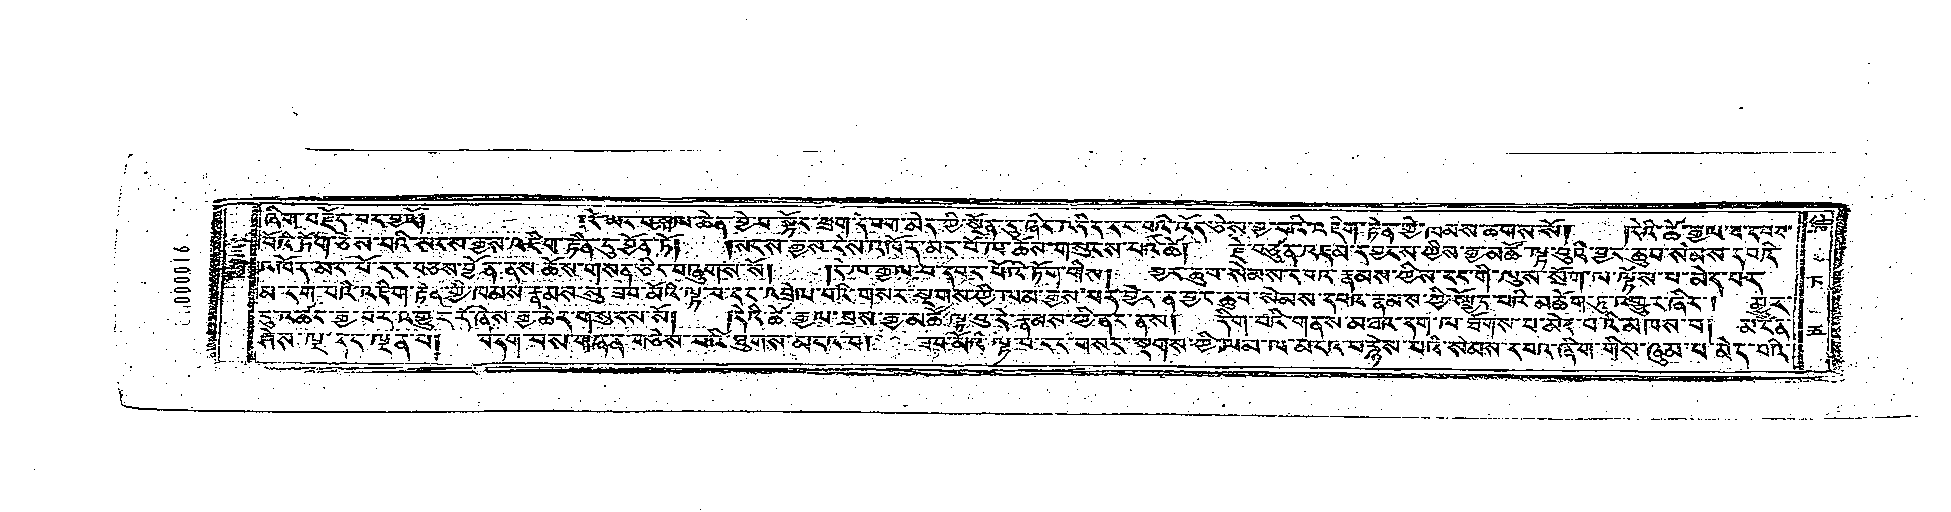ཞིག་བརྗོད་པར་བྱའོ། །དེ་ཡང་བསྐལ་ཆེན་བྱེ་བ་སྟོང་ཕྲག་དཔག་མེད་ཀྱི་སྔོན་དུ་ཞིང་འདིར་དང་བའི་འོད་ཅེས་བྱ་བའི་འཇིག་རྟེན་གྱི་ཁམས་ཆགས་སོ། །དེའི་ཚེ་རྒྱལ་བ་དབང་
པོའི་ཏོག་ཅེས་བའི་སངས་རྒྱས་འཇིག་རྟེན་དུ་བྱོན་ཏོ། །སངས་རྒྱས་དེས་འཁོར་མང་བོ་ལ་ཆོས་གསུངས་པའི་ཚེ། རྗེ་བཙུན་འཇམ་དབྱངས་ཀྱིས་རྒྱ་མཚོ་ལྟ་བུའི་བྱང་ཆུབ་སེམས་དཔའི་
འཁོར་མང་པོ་དང་བཅས་བྱོན་ནས་ཆོས་གསན་ཅིང་བཞུགས་སོ། །དེ་ལ་རྒྱལ་བ་དབང་པོའི་ཏོག་གིས། བྱང་ཆུབ་སེམས་དཔའ་རྣམས་ཀྱིས་རང་གི་ལུས་སྲོག་ལ་ལྟོས་པ་མེད་པར་
མ་དག་པའི་འཇིག་རྟེན་གྱི་ཁམས་རྣམས་སུ་ཟབ་མོའི་ལྟ་བ་དང་འབྲེལ་བའི་གསང་སྔགས་ཀྱི་ལམ་རྒྱས་པར་བྱེད་ན་བྱང་ཆུབ་སེམས་དཔའ་རྣམས་ཀྱི་སྤྱོད་པའི་མཆོག་ཏུ་འགྱུར་ཞིང་། མྱུར་
དུ་འཚང་རྒྱ་བར་འགྱུར་རོ་ཞེས་རྒྱ་ཆེར་གསུངས་སོ། །དེའི་ཚེ་རྒྱལ་སྲས་རྒྱ་མཚོ་ལྟ་བུ་དེ་རྣམས་ཀྱི་ནང་ནས། རིག་པའི་གནས་མཐའ་དག་ལ་ཐོགས་པ་མེད་པའི་མཁས་པ། མངོན་
ཤེས་ལྔ་དང་ལྡན་པ། བདག་པས་གཞན་གཅེས་པའི་ཐུགས་མངའ་བ། ཟབ་མོའི་ལྟ་བ་དང་གསང་སྔགས་ཀྱི་ལམ་ལ་མངའ་བརྙེས་པའི་སེམས་དཔའ་ཞིག་གིས་ཞུམ་པ་མེད་པའི་